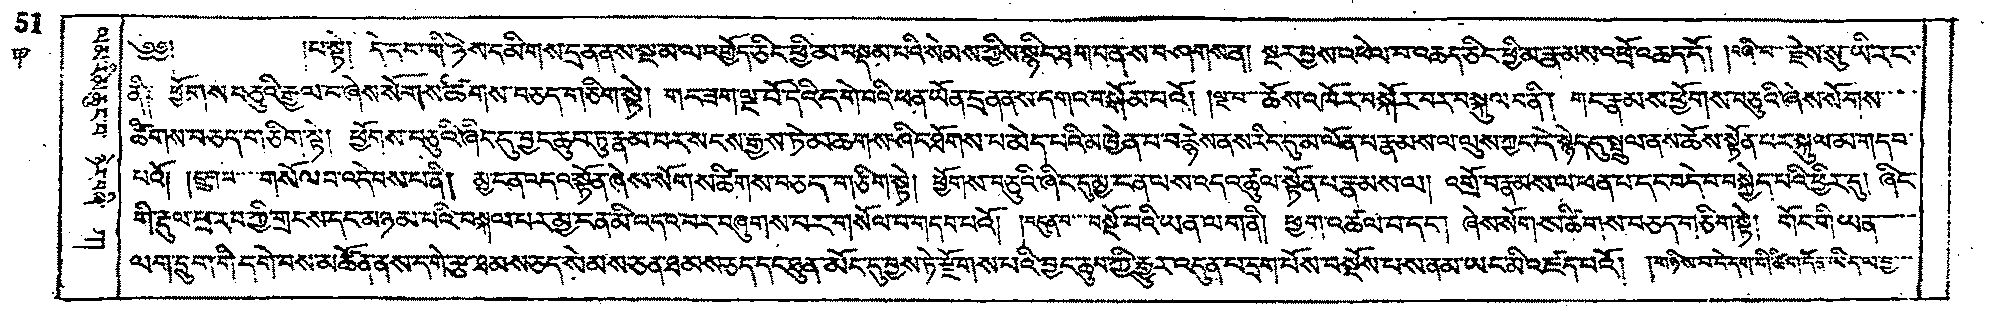༄༅། །པ་སྟེ། དེ་དག་གི་ཉེས་དམིགས་དྲན་ནས་སྔ་མ་ལ་འགྱོད་ཅིང་ཕྱི་མ་བསྡམ་པའི་སེམས་ཀྱིས་སྙིང་ཐག་པ་ནས་བཤགས་ན། སྔར་བྱས་འཕེལ་བ་འཆད་ཅིང་ཕྱི་མ་རྣམས་འཕྲོ་འཆད་དོ། ། བཞི་པརྗེས་སུ་ཡི་རང་
ནི༑ ཕྱོགས་བཅུའི་རྒྱལ་བ་ཞེས་སོགས་ཚིགས་བཅད་གཅིག་སྟེ། གང་ཟག་ལྔ་བོ་དེའི་དགེ་བའི་ཕན་ཡོན་དྲན་ནས་དགའ་བ་སྒོམ་པའོ། ། ལྔ་པཆོས་འཁོར་བསྐོར་བར་བསྐུལ་བ་ནི། གང་རྣམས་ཕྱོགས་བཅུའི་ཞེས་སོགས་
ཚིགས་བཅད་གཅིག་སྟེ། ཕྱོགས་བཅུའི་ཞིང་དུ་བྱང་ཆུབ་ཏུ་རྣམ་པར་སངས་རྒྱས་ཏེ་མ་ཆགས་ཤིང་ཐོགས་པ་མེད་པའི་མཁྱེན་པ་བརྙེས་ནས་རིང་དུ་མ་ལོན་པ་རྣམས་ལ་ལུས་ཀྱང་དེ་སྙེད་དུ་སྤྲུལ་ནས་ཆོས་སྟོན་པར་སྐུལ་མ་གདབ་
པའོ། ། དྲུག་པགསོལ་བ་འདེབས་པ་ནི། མྱ་ངན་འདའ་སྟོན་ཞེས་སོགས་ཚིགས་བཅད་གཅིག་སྟེ། ཕྱོགས་བཅུའི་ཞིང་དུ་མྱ་ངན་ལས་འདའ་ཚུལ་སྟོན་པ་རྣམས་ལ། འགྲོ་བ་རྣམས་ལ་ཕན་པ་དང་བདེ་བ་བསྐྱེད་པའི་ཕྱིར་དུ། ཞིང་
གི་རྡུལ་ཕྲ་རབ་ཀྱི་གྲངས་དང་མཉམ་པའི་བསྐལ་པར་མྱ་ངན་མི་འདའ་བར་བཞུགས་པར་གསོལ་བ་གདབ་པའོ། ། བདུན་པབསྔོ་བའི་ཡན་ལག་ནི། ཕྱག་འཚལ་བ་དང་། ཞེས་སོགས་ཚིགས་བཅད་གཅིག་སྟེ། གོང་གི་ཡན་
ལག་དྲུག་གི་དགེ་བས་མཚོན་ནས་དགེ་རྩ་ཐམས་ཅད་སེམས་ཅན་ཐམས་ཅད་དང་ཐུན་མོང་དུ་བྱས་ཏེ་རྫོགས་པའི་བྱང་ཆུབ་ཀྱི་རྒྱུར་འདུན་པ་དྲག་པོས་བསྔོས་པས་ནམ་ཡང་མི་འཛད་པའོ། ། གཉིས་པ་དེ་དག་གི་ཚིག་དོན་ཡིད་ལ་བྱ